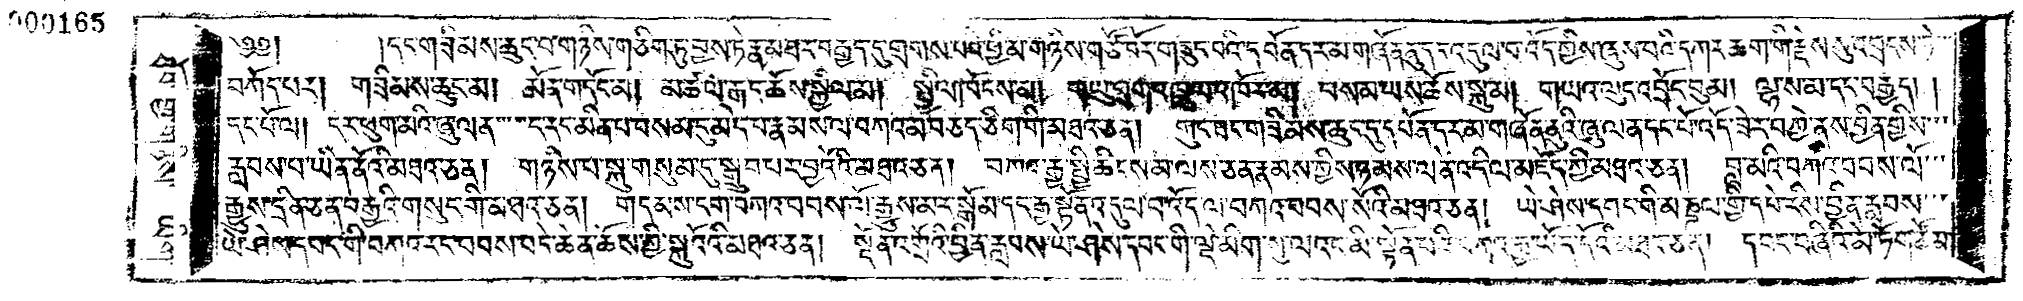༄༅། །དང་གཟིམས་ཆུང་བ་གཉིས་གཅིག་ཏུ་བྱས་ཏེ་རྣམ་ཐར་བརྒྱད་དུ་གྲགས་པའི་ཕྱི་མ་གཉིས་གཙོ་བོར་གཟུང་བའི་དབོན་དར་མ་གཞོན་ནུ་དང་འདུལ་བ་འོད་ཀྱིས་ཞུས་པའི་དཀར་ཆག་གི་རྗེས་སུ་འབྲངས་ཏེ་
བཀོད་པར། གཟིམས་ཆུང་མ། མོན་གདོང་མ། མཚལ་རྒད་ཆོས་སྐྱིལ་མ། སྤྱིལ་ཁོངས་མ། གཡུ་བྲག་འཁྲུལ་འཁོར་མ། བསམ་ཡས་ཆོས་སྐུ་མ། གཡའ་ལུང་འབྲོང་བུམ། ལྷ་ས་མ་དང་བརྒྱད། །
དང་པོ་ལ། དར་ཕུག་མའི་ཞུ་ལན་ང་རང་མིན་པ་བསམ་དུ་མེད་པ་རྣམས་ལ་བཀའ་མ་བཅད་ཅིག་གི་མཐའ་ཅན། གུང་ཐང་གཟིམས་ཆུང་དུ་དཔོན་དར་མ་གཞོན་ནུའི་ཞུ་ལན་དང་པོ་འོད་ཟེར་བཀྱེ་ནས་བྱིན་གྱིས་
རླབས་པ་ཡིན་ནོའི་མཐའ་ཅན། གཉིས་པ་སྐུ་གསུམ་དུ་སྒྲུབ་པར་བྱའོའི་མཐའ་ཅན། བཀའ་རྒྱ་སྤྱི་ཆིངས་མ་ལས་ཅན་རྣམས་ཀྱིས་ཉམས་ལེན་འདི་ལ་མཛོད་ཀྱི་མཐའ་ཅན། བླ་མའི་བཀའ་བབས་ལོ་
རྒྱུས་དྲིན་ཅན་བརྒྱའི་གསུང་གི་མཐའ་ཅན། གདམས་ངག་བཀའ་བབས་ལོ་རྒྱུས་མར་སྒོམ་དང་རྒྱ་སྟོན་འདུལ་བ་འོད་ལ་བཀའ་བབས་སོའི་མཐའ་ཅན། ཡེ་ཤེས་དབང་གི་མཎྜལ་གྱི་དཔེ་རིས་བྱིན་རླབས་
ཡེ་ཤེས་དབང་གི་བཀའ་རང་བབས་བདེ་ཆེན་ཆོས་ཀྱི་སྐུའོའི་མཐའ་ཅན། སྔོན་འགྲོའི་བྱིན་རླབས་ཡེ་ཤེས་དབང་གི་ལྡེ་མིག་སུ་ལའང་མི་སྟོན་པའི་བཀའ་རྒྱ་ཡོད་དོའི་མཐའ་ཅན། དབང་བཞིའི་མེ་ཏོག་ཚོམ་